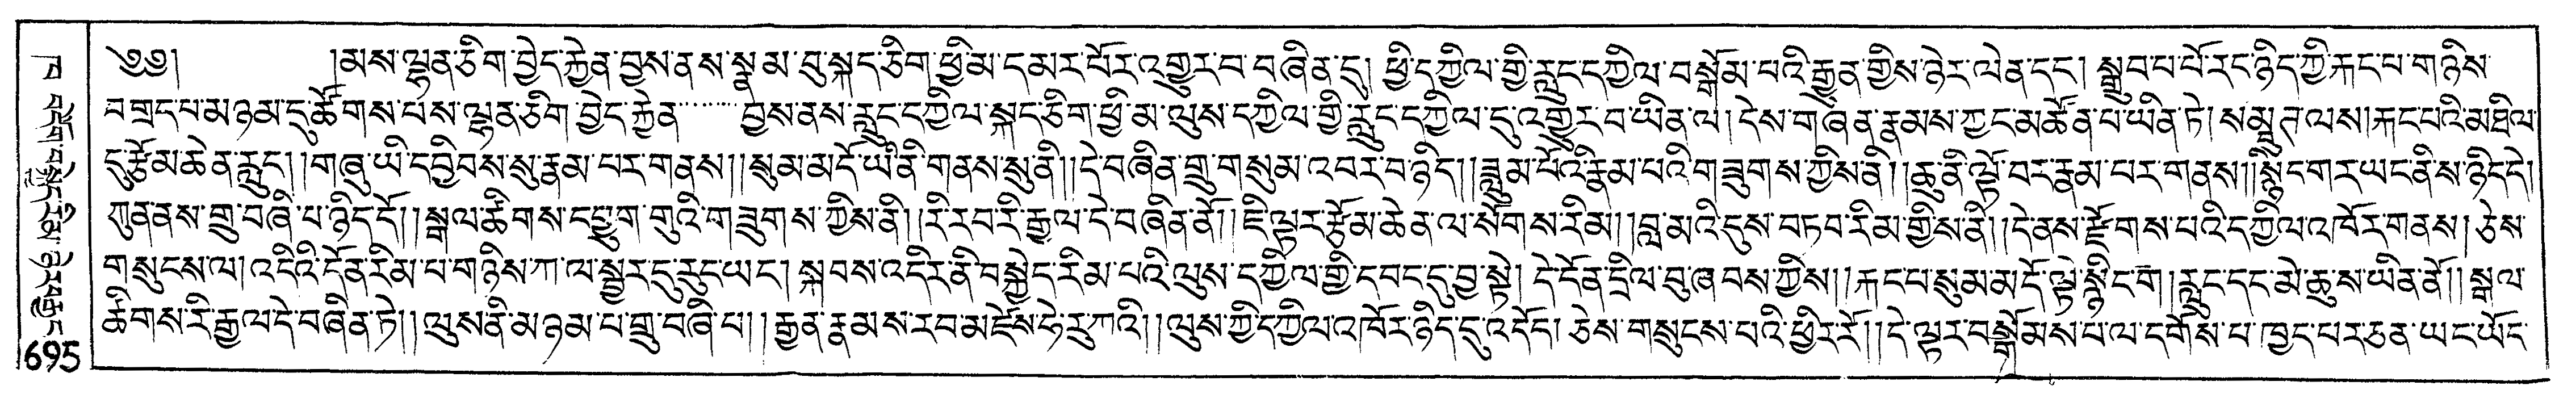༄༅། །མས་ལྷན་ཅིག་བྱེད་རྐྱེན་བྱས་ནས་སྣམ་བུ་སྐད་ཅིག་ཕྱི་མ་དམར་པོར་འགྱུར་བ་བཞིན་དུ། ཕྱི་དཀྱིལ་གྱི་རླུང་དཀྱིལ་བསྒོམ་པའི་རྒྱུན་གྱིས་ཉེར་ལེན་དང་། སྒྲུབ་པ་པོ་རང་ཉིད་ཀྱི་རྐང་པ་གཉིས་
བགྲད་པ་མཉམ་དུ་ཚོགས་པས་ལྷན་ཅིག་བྱེད་རྐྱེན་བྱས་ནས་རླུང་དཀྱིལ་སྐད་ཅིག་ཕྱི་མ་ལུས་དཀྱིལ་གྱི་རླུང་དཀྱིལ་དུ་འགྱུར་བ་ཡིན་ལ། དེས་གཞན་རྣམས་ཀྱང་མཚོན་པ་ཡིན་ཏེ། སམྦུཊ་ལས། རྐང་པའི་མཐིལ་
དུ་རྩོམ་ཆེན་རླུང་། །གཞུ་ཡི་དབྱིབས་སུ་རྣམ་པར་གནས། །སུམ་མདོ་ཡི་ནི་གནས་སུ་ནི། །དེ་བཞིན་གྲུ་གསུམ་འབར་བ་ཉིད། །ཟླུམ་པོའི་རྣམ་པའི་གཟུགས་ཀྱིས་ནི། །ཆུ་ནི་ལྟོ་བར་རྣམ་པར་གནས། །སྙིང་གར་ཡང་ནི་ས་ཉིད་དེ།
ཀུན་ནས་གྲུ་བཞི་པ་ཉིད་དོ། །སྒལ་ཚིགས་དབྱུག་གུའི་གཟུགས་ཀྱིས་ནི། །རི་རབ་རི་རྒྱལ་དེ་བཞིན་ནོ། །ཇི་ལྟར་རྩོམ་ཆེན་ལ་སོགས་རིམ། །བླ་མའི་དུས་བཏབ་རིམ་གྱིས་ནི། །དེ་ནས་རྫོགས་པའི་དཀྱིལ་འཁོར་གནས། ཅེས་
གསུངས་ལ། འདིའི་དོན་རིམ་པ་གཉིས་ཀ་ལ་སྦྱར་དུ་རུང་ཡང་། སྐབས་འདིར་ནི་བསྐྱེད་རིམ་པའི་ལུས་དཀྱིལ་གྱི་དབང་དུ་བྱ་སྟེ། དེ་དོན་དྲིལ་བུ་ཞབས་ཀྱིས། །རྐང་པ་སུམ་མདོ་ལྟེ་སྙིང་ག །རླུང་དང་མེ་ཆུ་ས་ཡིན་ནོ། །སྒལ་
ཚིགས་རི་རྒྱལ་དེ་བཞིན་ཏེ། །ལུས་ནི་མཉམ་པ་གྲུ་བཞི་པ། །རྒྱན་རྣམས་རབ་མཛེས་ཧེ་རུ་ཀའི། །ལུས་ཀྱི་དཀྱིལ་འཁོར་ཉིད་དུ་འདོད། ཅེས་གསུངས་པའི་ཕྱིར་རོ། །དེ་ལྟར་བསྒོམས་པ་ལ་དགོས་པ་ཁྱད་པར་ཅན་ཡང་ཡོད་